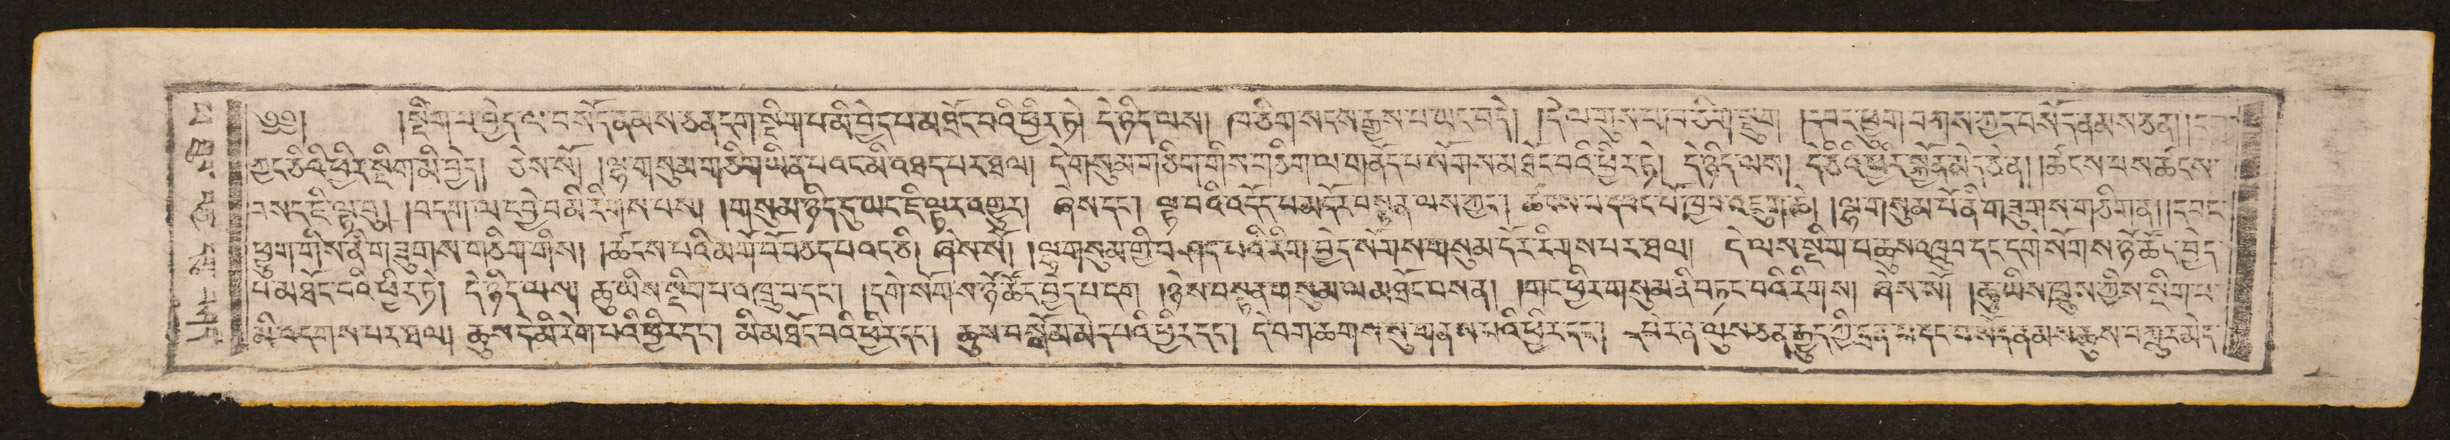༄༅། །སྡིག་པ་བྱེད་ལ་བསོད་ནམས་ཅན་ངག་སྡིག་པ་མི་བྱེད་པ་མཐོང་བའི་ཕྱིར་ཏེ། དེ་ཉིད་ལས། ཁ་ཅིག་སངས་རྒྱས་པ་ཡང་བདེ། །དེ་ལ་གུས་པ་ཁ་ཅིག་སྡུག །དབང་ཕྱུག་བཀས་ཀྱང་བསོད་ནམས་ཅན། །ངག་
ཀྱང་ཅིའི་ཕྱིར་སྡིག་མི་བྱེད། ཅེས་སོ། །ལྷ་གསུམ་གཅིག་ཡིན་པ་འང་མི་འཐད་པར་ཐལ། དེ་གསུམ་གཅིག་གིས་གཅིག་ལ་གནོད་པ་སོགས་མཐོང་བའི་ཕྱིར་ཏེ། དེ་ཉིད་ལས། དེ་ཅིའི་ཕྱིར་སྐྱོན་མེད་ཅེ་ན། །ཚངས་པས་ཚངས་
བསང་ཇི་ལྟ་བུ། །བདག་ལ་དབྱེ་བ་མི་རིགས་པས། །གསུམ་ཉིད་དུ་ཡང་ཇི་ལྟར་འགྱུར། ཞེས་དང་། ལྟ་བའི་འདོད་པ་མདོར་བསྟན་ལས་ཀྱང་། ཚངས་པ་དབང་པོ་ཁྱབ་འཇུག་ཆེ། །ལྷ་གསུམ་པོ་ནི་གཟུགས་གཅིག་ན། །དབང་
ཕྱུག་གིས་ནི་གཟུགས་གཅིག་གིས། །ཚངས་པའི་མགོ་བོ་བཅད་པའང་ཅི། ཞེས་སོ། །ལྷ་གསུམ་གྱི་བཤད་པའི་རིག་བྱེད་སོགས་གསུམ་དོར་རིགས་པར་ཐལ། དེ་ལས་སྡིག་པ་ཆུས་འཁྲུབ་དང་དགེ་སོགས་ཉོ་ཚོང་བྱེད་
པ་མཐོང་བའི་ཕྱིར་ཏེ། དེ་ཉིད་ལས། ཆུ་ཡིས་སྡིག་པ་འཁྲུ་པ་དང་། །དགེ་སོགས་ཉོ་ཚོང་བྱེད་པ་དག །ཉེས་བསྟན་གསུམ་ལ་མཐོང་བས་ན། །གང་ཕྱིར་གསུམ་ནི་བཏང་བའི་རིགས། ཞེས་སོ། །ཆུ་ཡིས་ཁྲུས་ཀྱིས་སྡིག་པ་
མི་འདགས་པར་ཐལ། ཆུས་དེ་མི་རེག་པའི་ཕྱིར་དང་། མི་མཐོང་བའི་ཕྱིར་དང་། ཆུས་བསྒོམ་མེད་པའི་ཕྱིར་དང་། དེ་བག་ཆགས་སུ་གནས་པའི་ཕྱིར་དང་། དཔེར་ན་ལུས་ཅན་རྒྱུད་ཀྱི་དྲན་པ་དང་བསོད་ནམས་ཆུས་བཀྲུར་མེད་